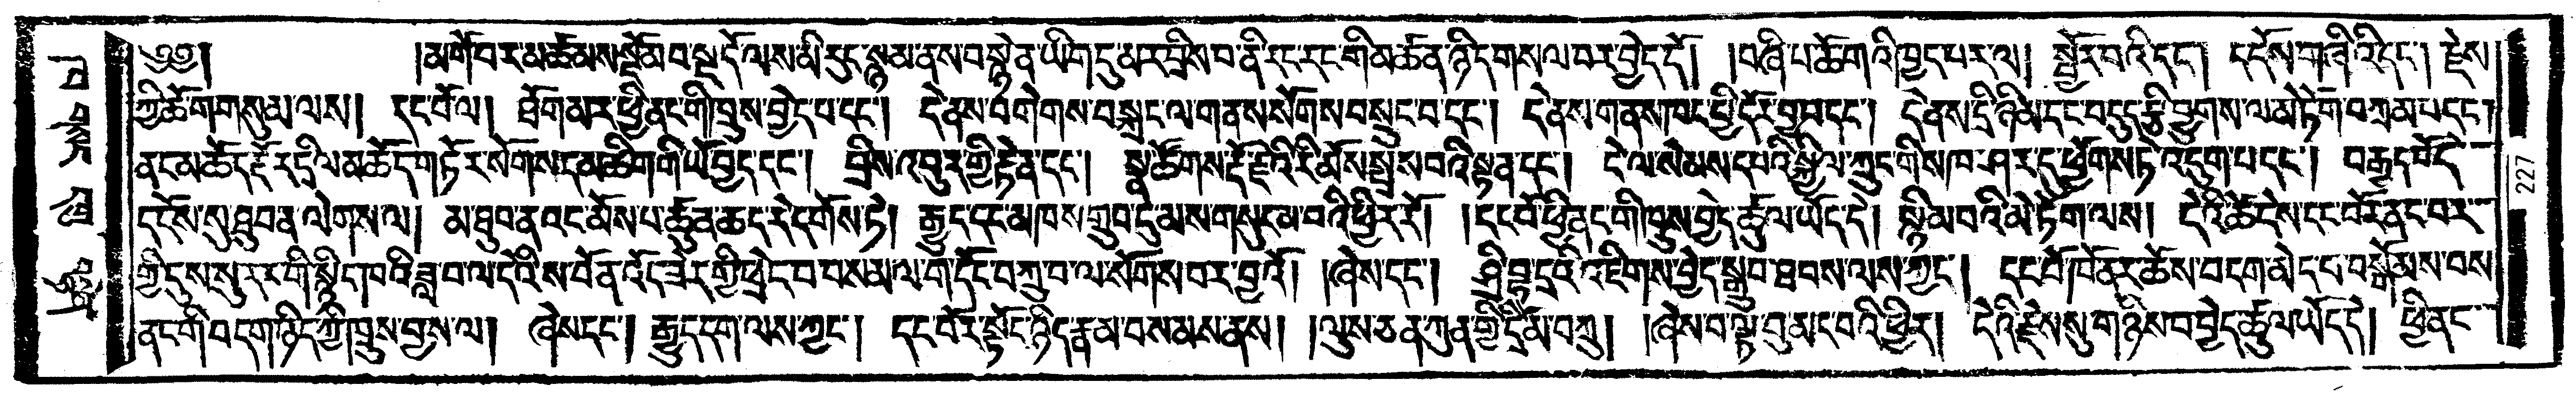༄༅། །མགོ་བར་མཚམས་སྡོམ་བ་སྔ་དོ་ལས་མི་རུང་སྙམ་ནས་བསྙེན་ཡིག་དུ་མར་བྲིས་བ་ནི་རང་རང་གི་མཚན་ཉིད་གསལ་བར་བྱེད་དོ། །བཞི་པ་ཆོ་གའི་ཁྱད་པར་ལ། སྦྱོར་བའི་དང་། དངོས་གཞིའི་དང་། རྗེས་
ཀྱི་ཆོ་ག་གསུམ་ལས། དང་པོ་ལ། ཐོག་མར་ཕྱི་ནང་གི་ཁྲུས་བྱེད་པ་དང་། དེ་ནས་བགེགས་བསྐྲད་ལ་གནས་སོགས་བསྲུང་བ་དང་། དེ་ནས་གནས་ཁང་བྱི་དོར་བྱ་བ་དང་། དེ་ནས་དྲི་ཉི་མ་དང་བདུད་རྩི་བྱུགས་ལ་མེ་ཏོག་བཀྲམ་པ་དང་།
ནང་མཆོད་རྡོར་དྲིལ་མཆོད་གཏོར་སོགས་དམ་ཚིག་གི་ཡོ་བྱད་དང་། བྲིས་འབུར་གྱི་རྟེན་དང་། སྣ་ཚོགས་རྡོ་རྗེའི་རི་མོས་སྤྲས་བའི་སྟན་དང་། དེ་ལ་སེམས་དཔའི་སྐྱིལ་ཀྲུང་གིས་ཁ་ཤར་དུ་ཕྱོགས་ཏེ་འདུག་པ་དང་། བརྒྱད་པོ་དེ་
དངོས་སུ་ཐུབ་ན་ལེགས་ལ། མ་ཐུབ་ནའང་མོས་པ་ཚུན་ཆད་རེ་དགོས་ཏེ། རྒྱུད་དང་མཁས་གྲུབ་དུ་མས་གསུང་མ་བའི་ཕྱིར་རོ། །དང་པོ་ཕྱི་ནང་གི་ཁྲུས་བྱེད་ཚུལ་ཡོད་དེ། སྙིམ་བའི་མེ་ཏོག་ལས། དེའི་ཚེ་དེས་དང་པོར་ནང་བར་
གྱི་དུས་སུ་རང་གི་སྙིང་ཁའི་ཟླ་བ་ལ་དེའི་ས་བོན་འོད་ཟེར་གྱི་ཕྲེང་བ་བསམ་ལ་གདོང་བཀྲུ་བ་ལ་སོགས་པར་བྱའོ། །ཞེས་དང་། ཤྲི་བྷ་དྲའི་འཇིགས་བྱེད་སྒྲུབ་ཐབས་ལས་ཀྱང་། དང་པོ་ཁོ་ནར་ཆོས་བདག་མེད་པ་བསྒོམས་བས་
ནང་གི་བདག་ཉིད་ཀྱི་ཁྲུས་བྱས་ལ། ཞེས་དང་། རྒྱུད་དག་ལས་ཀྱང་། དང་པོར་སྟོང་ཉིད་རྣམ་བསམས་ནས། །ལུས་ཅན་ཀུན་གྱི་དྲི་མ་བཀྲུ། །ཞེས་བ་ལྟ་བུ་མང་བའི་ཕྱིར། དེའི་རྗེས་སུ་གཉིས་པ་བྱེད་ཚུལ་ཡོད་དེ། ཕྱི་ནང་